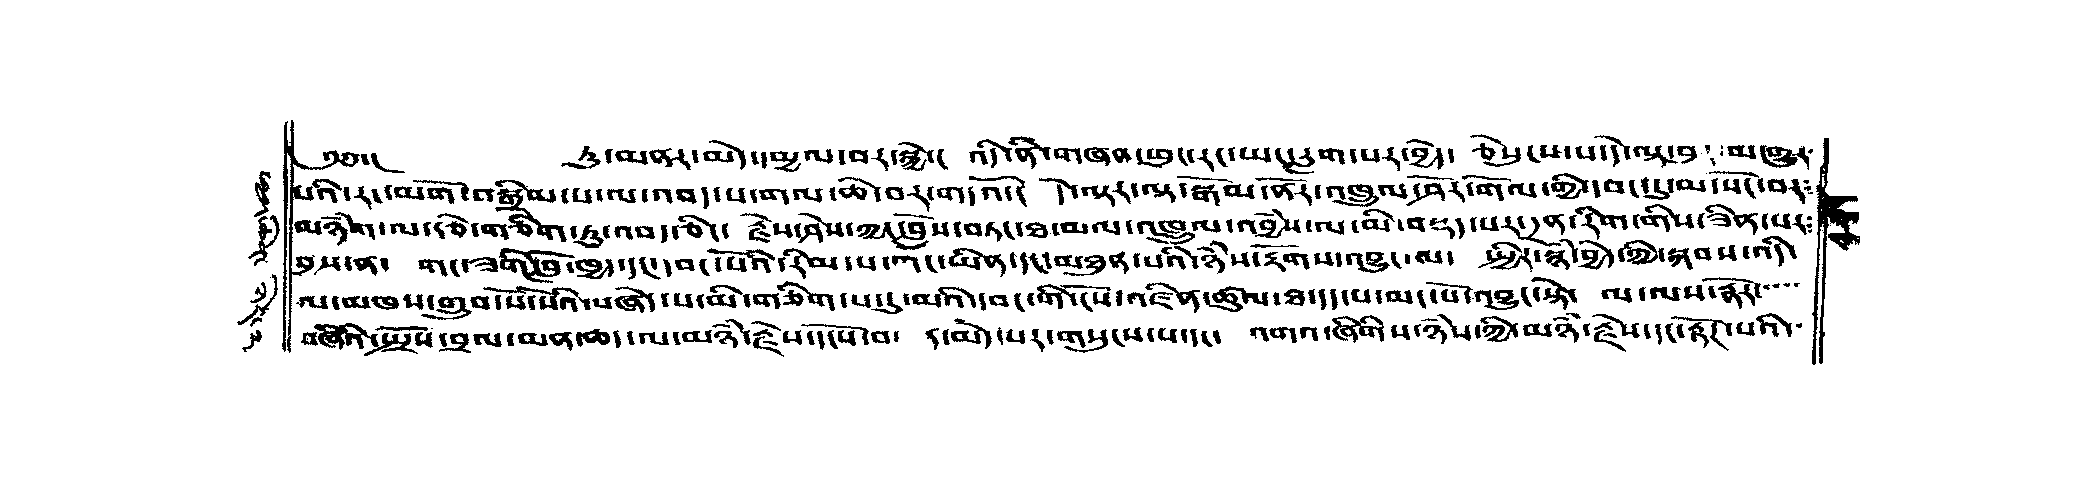ཏུ་མནར་མེད་དམྱལ་བར་སྐྱེ། །འདི་ནི་གཞན་ཕུང་རང་ཡང་རླག་པར་བྱེད། ཅེས་གསུངས་པ་དེ་ལྟ་བུར་མ་གྱུར་
པའི་རང་མགོ་བསྒྲིམ་པ་ལ་འབད་པ་གལ་ཆེ་བར་གདའོ། དེ་ལྟར་ལྟ་སྒོམ་ནོར་འཁྲུལ་ཤོར་གོལ་གྱི་དབང་དུ་མ་སོང་བར་
མཉམ་བཞག་ལ་རྩེ་གཅིག་ཏུ་འབད་ཅིང་། རྗེས་ཤེས་ཀྱང་བློས་བཏང་ཐ་མལ་འཁྲུལ་འབྱམས་ལ་མི་བསྡད་པར་དྲན་རིག་གིས་ཟིན་པར་
བྱས་ན། གང་ཟག་གི་བློ་ཁྱད་དང་དབང་པོའི་རིམ་པ་གང་ཡིན་དང་མཐུན་པའི་ཉམས་རྟོགས་འབྱུང་ལ། སྤྱིར་མཉམ་རྗེས་ཀྱི་སྐབས་འདི་
ལ་མཁས་གྲུབ་སོ་སོའི་བཞེད་པ་མི་གཅིག་པ་དུ་མའི་དབང་གི་ངོས་འཛིན་ཚུལ་ཐ་དད་པ་མང་པོ་འབྱུང་སྟེ། ལ་ལས་རྣལ་འབྱོར་
བཞིའི་སྤྲོས་བྲལ་མན་ཆད་ལ་མཉམ་རྗེས་དངོས་མེད་པར་གསུངས་པ་དང་། འགའ་ཞིག་གིས་ཉམས་ཀྱི་མཉམ་རྗེས་དང་རྟོགས་པའི་